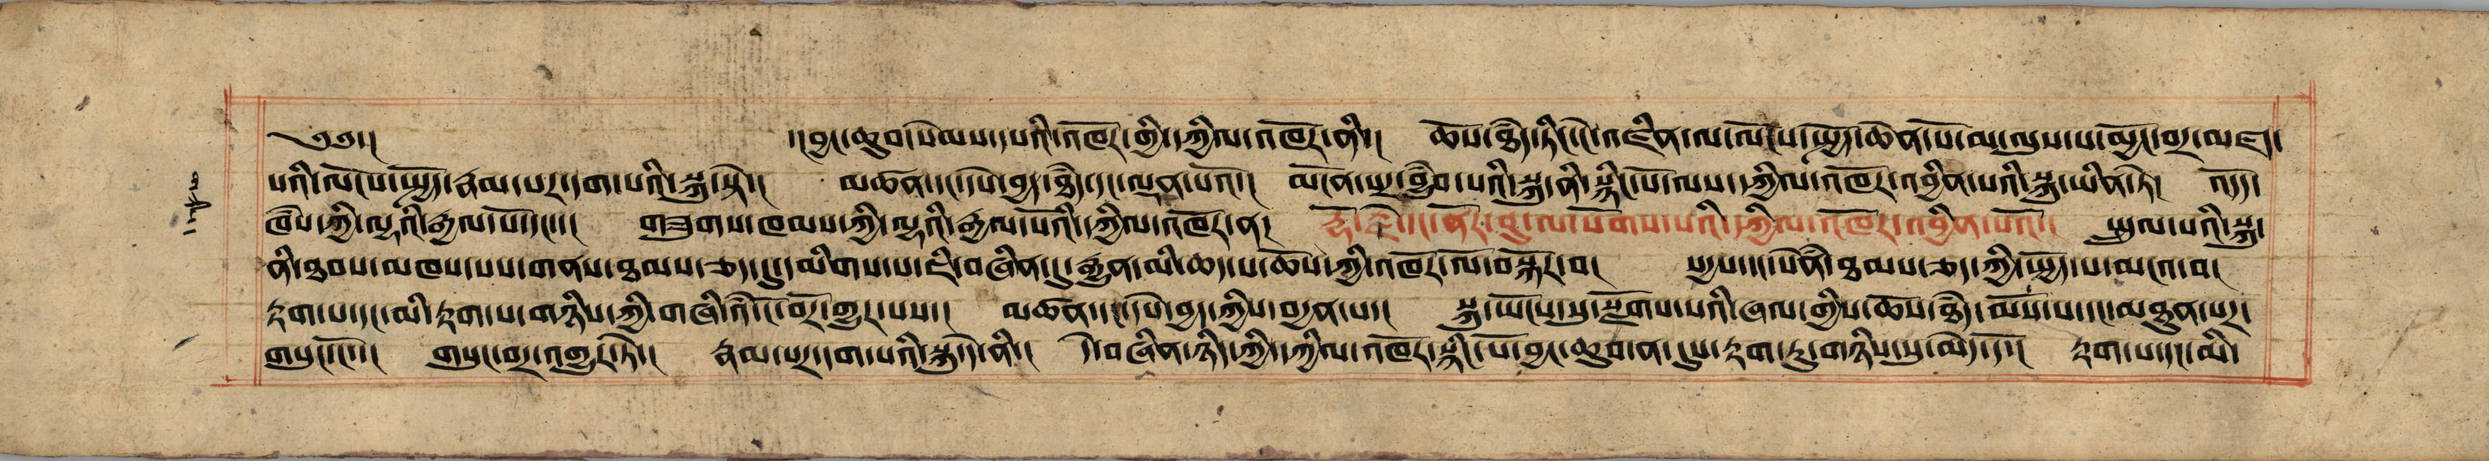༄༅་། ་།བྱང་ཆུབ་སེམས་དཔའི་འཁོར་གྱི་དཀྱིལ་འཁོར་ནི་། ཆོས་ཐཾད་ཏིང་ངེ་འཛིན་ལ་ལོངས་སྤྱོད་ཆེན་པོ་མ་ལུས་པ་མྱོང་བར་མཛད་
པའི་ལོངས་སྤྱོད་རྣམ་པར་དག་པའི་སྐུ་སྟེ་། མཚན་དང་དཔེ་བྱད་ཐཾད་དང་ལྡན་པའོ་། མངོན་པར་བྱུཾབ་པའི་སྐུ་ནི་སྙིང་པོ་ལས་དཀྱིལ་འཁོར་འབྱིན་པའི་སྐུ་ཡིན་ཏེ་། འདོད་
ཁཾས་གྱི་ལྷའི་རྒྱལ་པོ་དང་་། གཟུགས་ཁམས་ཀྱི་ལྷའི་རྒྱལ་པོའི་དཀྱིལ་འཁོར་ན། རྡོ་རྗེ་དང་ནོར་བུ་ལ་སོགས་པའི་དཀྱིལ་འཁོར་འབྱིན་པའོ་། སྤྲུལ་པའི་སྐུ་
ནི་ཐབས་མཁས་པས་གནས་ཐམས་ཅད་དུ་དམིགས་པ་ཇི་བཞིན་དུ་རྒྱུན་མི་ཆད་པ་ཆོས་ཀྱི་འཁོར་ལོ་བསྐོར་བ་། སདྱས་དང་སེཾན་ཐམས་ཅད་ཀྱི་སྤྱོད་པ་མངའ་བ།
རྟག་པ་དང་མི་རྟག་པ་གཉིས་ཀྱི་གཞི་འཾ་ངོ་བོར་གྱུར་པས་། མཚན་དང་དཔེ་བྱད་ཀྱིས་བདྱན་པ་། སྐུ་ཡོངས་སུ་སྫོགས་པའི་ཞལ་གྱིས་ཆོས་ཐཾད་མོས་པ་དང་མཐུན་པར་
གསུང་ངོ་་། གསུང་བར་འགྱུར་ཏེ་། རྣམ་པར་དག་པའི་སྐུ་དེ་ནི་ དེ་བཞིན་ཉིད་ཀྱི་དཀྱིལ་འཁོར་སྙིང་པོ་བྱང་ཆུབ་ན་དུས་རྟག་ཏུ་གཉིས་སུ་མེད་དོ་། རྟག་པ་དང་མི་